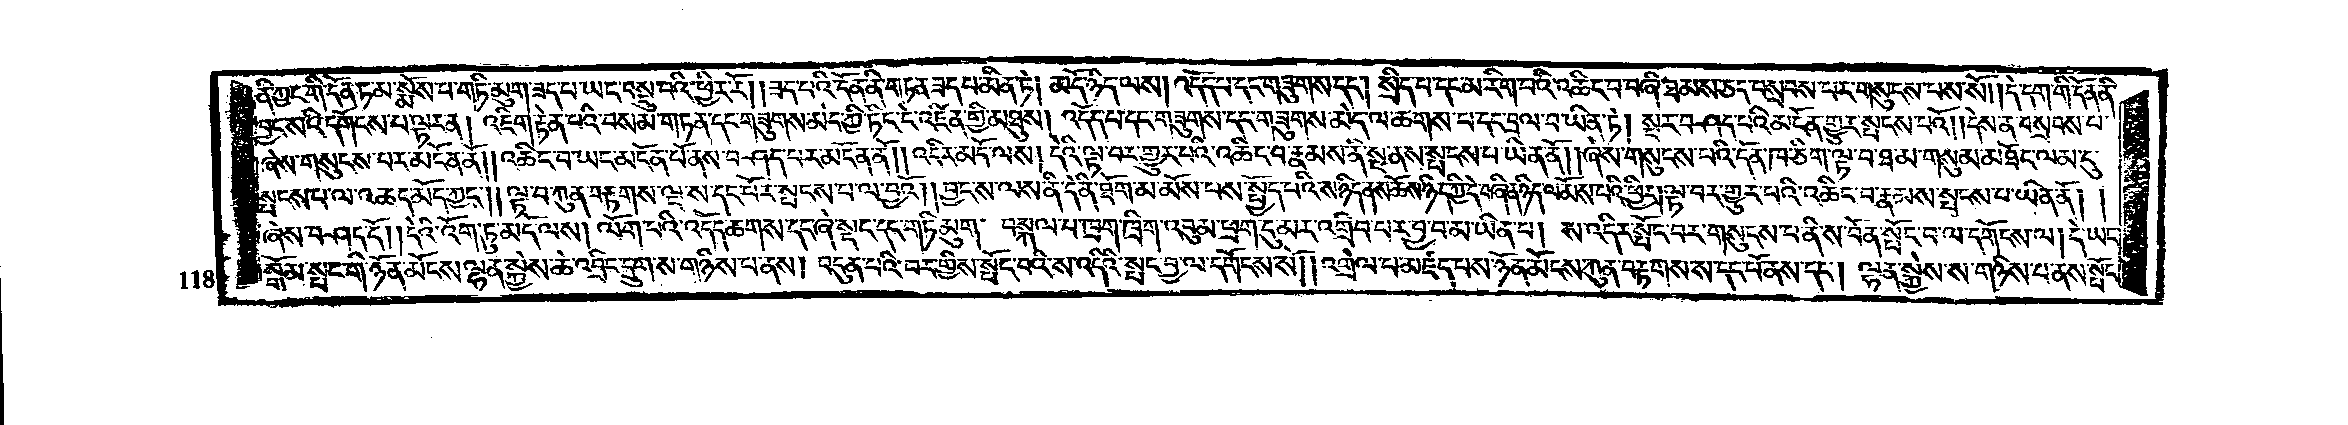ནི་ཀྱང་གི་དོན་ཏེ་མ་སྨོས་པ་གཏི་མུག་ཟད་པ་ཡང་བསྡུ་བའི་ཕྱིར་རོ། །ཟད་པའི་དོན་ནི་གཏན་ཟད་པ་མིན་ཏེ། མདོ་ཉིད་ལས། འདོད་པ་དང་གཟུགས་དང་། སྲིད་པ་དང་མ་རིག་པའི་འཆིང་བ་བཞི་ཐམས་ཅད་བསྲབས་པར་གསུངས་པས་སོ། །དེ་དག་གི་དོན་ནི་
བྱང་སའི་དགོངས་པ་ལྟར་ན། འཇིག་རྟེན་པའི་བསམ་གཏན་དང་གཟུགས་མེད་ཀྱི་ཏིང་ངེ་འཛིན་གྱི་མཐུས། འདོད་པ་དང་གཟུགས་དང་གཟུགས་མེད་ལ་ཆགས་པ་དང་བྲལ་བ་ཡིན་ཏེ། སྔར་བཤད་པའི་མངོན་གྱུར་སྤངས་པའོ། །དེས་ན་བསྲབས་པ་
ཞེས་གསུངས་པར་མངོན་ནོ། །འཆིང་བ་ཡང་མངོན་པ་ནས་བཤད་པར་མངོན་ནོ། །འདིར་མདོ་ལས། དེའི་ལྟ་བར་གྱུར་པའི་འཆིང་བ་རྣམས་ནི་སྔ་ནས་སྤངས་པ་ཡིན་ནོ། །ཞེས་གསུངས་པའི་དོན་ཁ་ཅིག་ལྟ་བ་ཐ་མ་གསུམ་མཐོང་ལམ་དུ་
སྤངས་པ་ལ་འཆད་མོད་ཀྱང་། །ལྟ་བ་ཀུན་བརྟགས་ལྔ་ས་དང་པོར་སྤངས་པ་ལ་བྱའོ། །བྱང་ས་ལས་ནི་དེ་ནི་ཐོག་མ་མེས་པས་སྤྱོད་པའི་ས་ཉིད་ནས་ཆོས་ཉིད་ཀྱི་དེ་བཞིན་ཉིད་ལ་མོས་པའི་ཕྱིར། ལྟ་བར་གྱུར་པའི་འཆིང་བ་རྣམས་སྤངས་པ་ཡིན་ནོ། །
ཞེས་བཤད་དོ། །དེའི་འོག་ཏུ་མདོ་ལས། ལོག་པའི་འདོད་ཆགས་དང་ཞེ་སྡང་དང་གཏི་མུག་བསྐལ་པ་ཁྲག་ཁྲིག་འབུམ་ཕྲག་དུ་མར་འགྲིབ་པར་བྱ་བ་མ་ཡིན་པ། ས་འདིར་སྤོང་བར་གསུངས་པ་ནི་ས་བོན་སྤོང་བ་ལ་དགོངས་ལ། དེ་ཡང་
སྒོམ་སྤང་གི་ཉོན་མོངས་ལྷན་སྐྱེས་ཆེ་འབྲིང་དྲུག་ས་གཉིས་པ་ནས། བདུན་པའི་བར་གྱིས་སྤོང་བའི་ས་འདིའི་སྤང་བྱ་ལ་དགོངས་སོ། །འགྲེལ་པ་མཛད་པས་ཉོན་མོངས་ཀུན་བརྟགས་ས་དང་པོ་ནས་དང་། ལྷན་སྐྱེས་ས་གཉིས་པ་ནས་སྤོང་